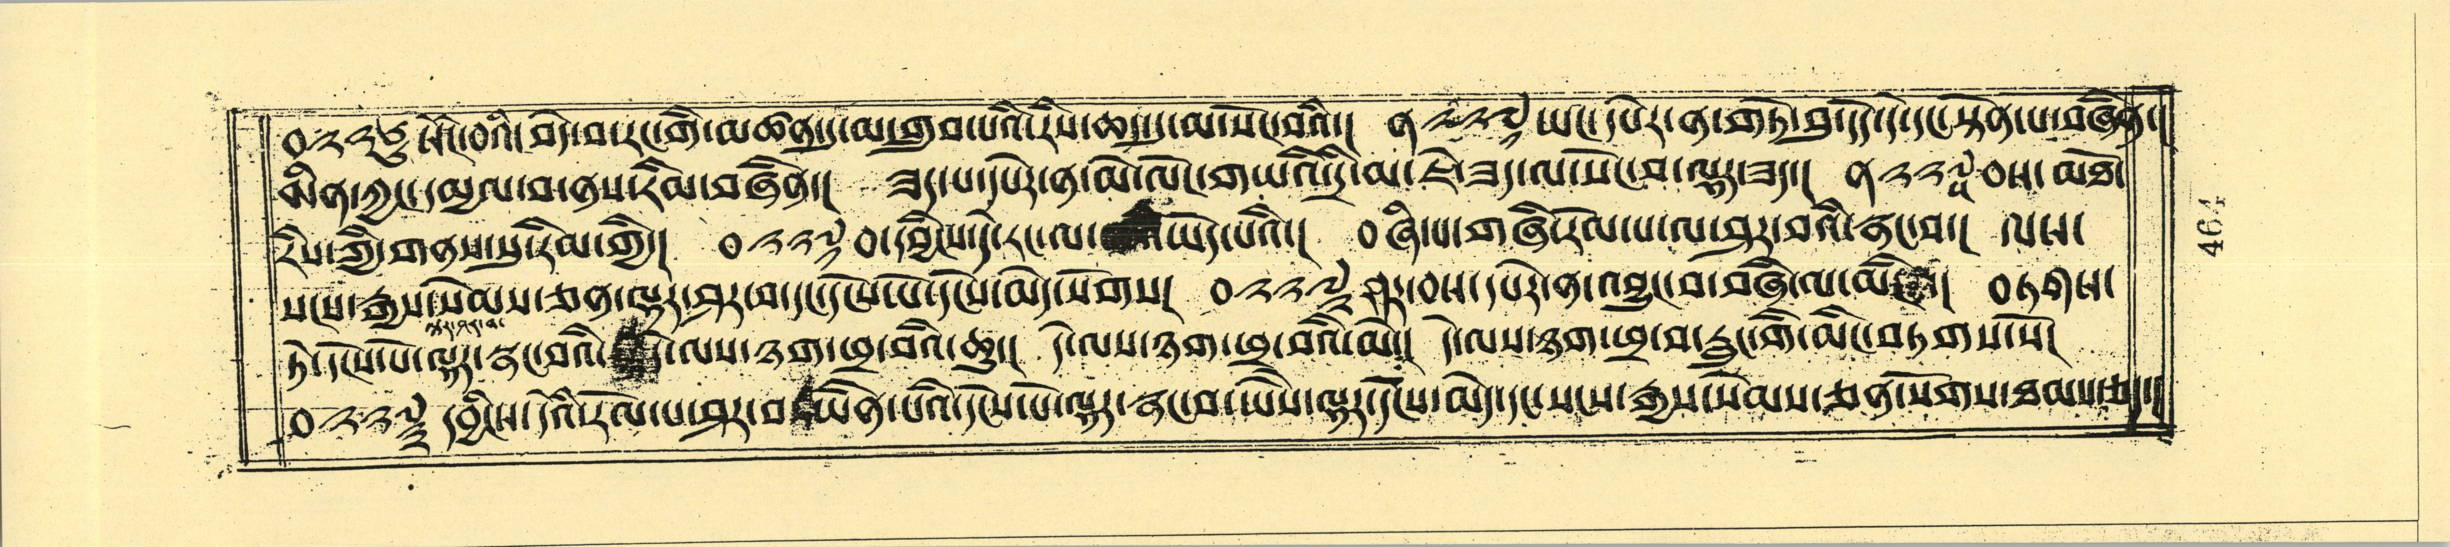བ༢༢༦།༦༼སོང་བའི༽བདེ་བ་རང་གི་མཚན་དུ་མ་གྲུབ་པའི་རིས་ཆད་དུ་མ་སོང་བའི་ན༢༢༧།༡ཡང་དཔེར་ན་གཏོ་བུ་དོད་དེ་དང་སྟོན་པ་བཞིན་
༼མིན་ཀྱང་༽དམྱལ་བ་ནས་རིམ་བཞིན། ཟད་པ་དཔེར་ན་མེ་ལོང་གཡའི་དྲི་མ་ཇེ་ཟད་ལ་སོང་བ་ལྟར་ཟད་ན༢༢༧།༥༼བས༽མཐོ་
རིས་ཀྱི་གནས་སུ་རིམ་གྱིས། བ༢༢༧།༡༼བ༽དབྱིངས་དེ་རང་ལ་ཡོད་པའི་༼བཞི་པ༽གཞི་རོལ་པ་ཤར་བའི་སྣང་བ་༼ལས༽
སངས་རྒྱས་ལྟར་ཤར་བ་སེམས་ཅན་ལྟར་ཤར་བ་དང་དངོས་པོ་དངོས་མེད་སོགས་བ༢༢༧།༢༼ཤར་བས༽དཔེར་ན་འབྱུང་བ་བཞི་ལ་མིང་༼བཏགས༽
ཏེ་དངོས་པོ་ལྟར་སྣང་བའི་དེ་ལས་ཉག་ཕྲ་བའི་ཆུ་དེ་ལས་ཉག་ཕྲ་བའི་མེ་དེ་ལས་ཉག་ཕྲ་བ་རླུང་གི་མིང་བཏགས་
སོ། བ༢༢༧།༣༼དབྱིངས༽དེའི་རོལ་པ་ཤར་བ་ཡིན་པའི་དངོས་པོ་ལྟར་སྣང་བ་ཡེ་ཤེས་ལྟར་དངོས་མེད་དང་སངས་རྒྱས་སེམས་ཅན་སོགས་ཐམས་ཅད་